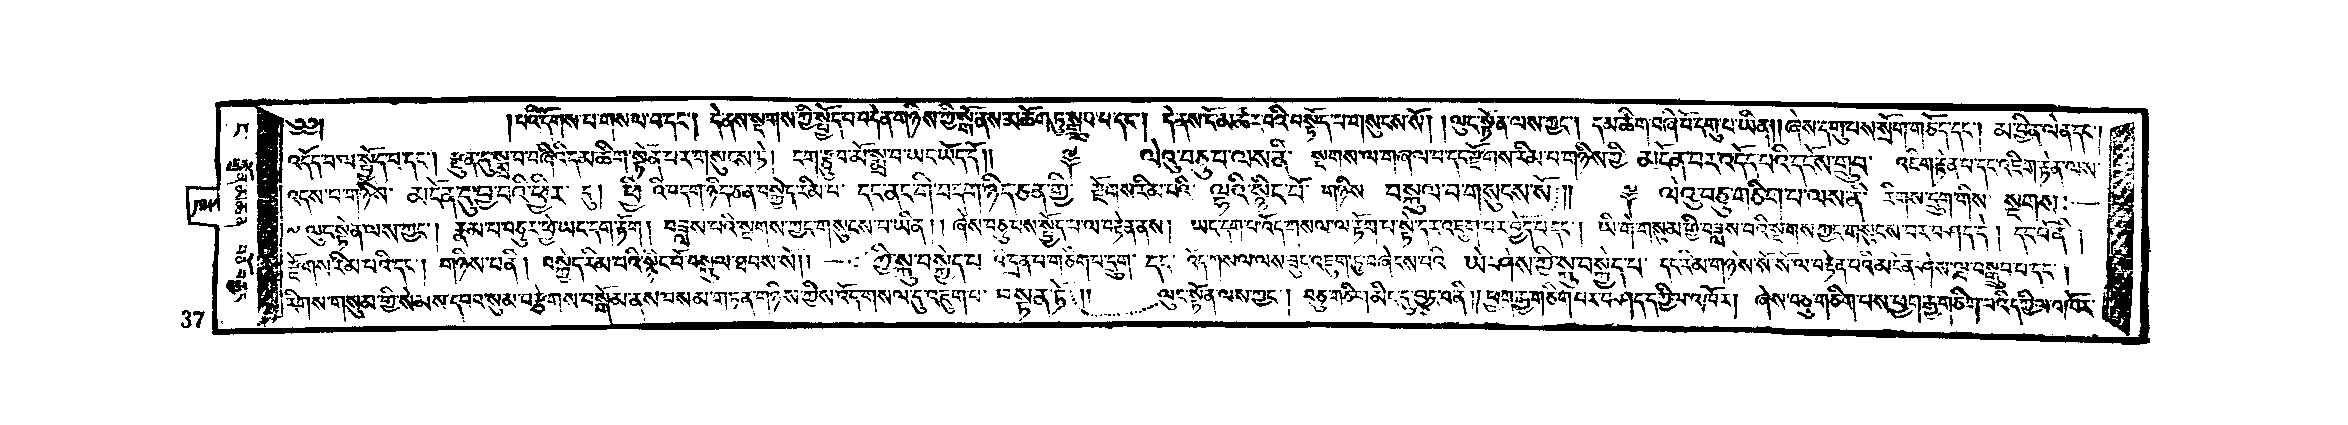༄༅། །པའི་དོགས་པ་གསལ་བ་དང་། དེ་ནས་སྔགས་ཀྱི་སྤྱོད་པ་བདེན་གཉིས་ཀྱི་སྒོ་ནས་མཆོག་ཏུ་སྒྲུབ་པ་དང་། དེ་ནས་ངོ་མཚར་བའི་བསྟོད་པ་གསུངས་སོ། །ལུང་སྟོན་ལས་ཀྱང་། དམ་ཚིག་བཞི་པོ་དགུ་པ་ཡིན། །ཞེས་དགུ་པས་སྲོག་གཅོད་དང་། མ་བྱིན་ལེན་དང་།
འདོད་པ་ལ་སྤྱོད་པ་དང་། རྫུན་དུ་སྨྲ་བ་བཞིའི་དམ་ཚིག་སྟོན་པར་གསུངས་ཏེ། ངག་རྩུབ་མོ་སྨྲ་བ་ཡང་ཡོད་དོ།། ༈ ལེའུ་བཅུ་པ་ལས་ནི་སྔགས་ལ་གཞོལ་བ་དང་རྫོགས་རིམ་པ་གཉིས་ཀྱི་མངོན་པར་འདོད་པའི་དངོས་གྲུབ་འཇིག་རྟེན་པ་དང་འཇིག་རྟེན་ལས་
འདས་པ་གཉིས་མངོན་དུ་བྱ་བའི་ཕྱིར་དུ། ཕྱིའི་བདག་ཉིད་ཅན་བསྐྱེད་རིམ་པ་དང་ནང་གི་བདག་ཉིད་ཅན་གྱི་རྫོགས་རིམ་པའི་ལྷའི་སྙིང་པོ་གཉིས་བསྐུལ་བ་གསུངས་སོ།། ༈ ལེའུ་བཅུ་གཅིག་པ་ལས་ནི་རིགས་དྲུག་གིས་སྔགསཿ
༧ལུང་སྟོན་ལས་ཀྱང་། རྣམ་པ་བཅུར་ཕྱེ་ཡང་དག་རྟོག །བཟླས་པའི་སྔགས་ཀྱང་གསུངས་པ་ཡིན། །ཞེས་བཅུ་པས་སྤྱོད་པ་ལ་བརྟེན་ནས། ཡང་དག་པ་འོད་གསལ་ལ་རྟོག་པ་སྟེ་དར་འཇུག་པར་བྱེད་པ་དང་། ཡི་གེ་གསུམ་གྱི་བཟླས་པའི་སྔགས་ཀྱང་གསུངས་པར་བཤད་དེ། དང་པོ་ནི།
རྫོགས་རིམ་པའི་དང་། གཉིས་པ་ནི། བསྐྱེད་རིམ་པའི་སྙིང་པོ་བསྐུལ་ཐབས་སོ།། .Hཀྱི་སྐུ་བསྐྱེད་པའི་དྲན་པ་གཅིག་པ་དྲུག་དང་འོད་གསལ་ལས་ཟུང་འཇུག་ཏུ་བཞེངས་པའི་ཡེ་ཤེས་ཀྱི་སྐུ་བསྐྱེད་པ་དང་རིམ་གཉིས་སོ་སོ་ལ་བརྟེན་པའི་མངོན་ཤེས་ལྔ་བསྒྲུབ་པ་དང་།
རིགས་གསུམ་གྱི་སེམས་དཔའ་སུམ་བརྩེགས་བསྒོམ་ནས་བསམ་གཏན་གཉིས་ཀྱིས་འོད་གསལ་དུ་འཇུག་པ་བསྟན་ཏོ།། ལུང་སྟོན་ལས་ཀྱང་། བཅུ་གཅིག་མིང་དུ་བྱུང་བ་ནི། །ཕྱག་རྒྱ་གཅིག་པར་བཤད་དཀྱིལ་འཁོར། ཞེས་བཅུ་གཅིག་པས་ཕྱག་རྒྱ་གཅིག་པའི་དཀྱིལ་འཁོར་